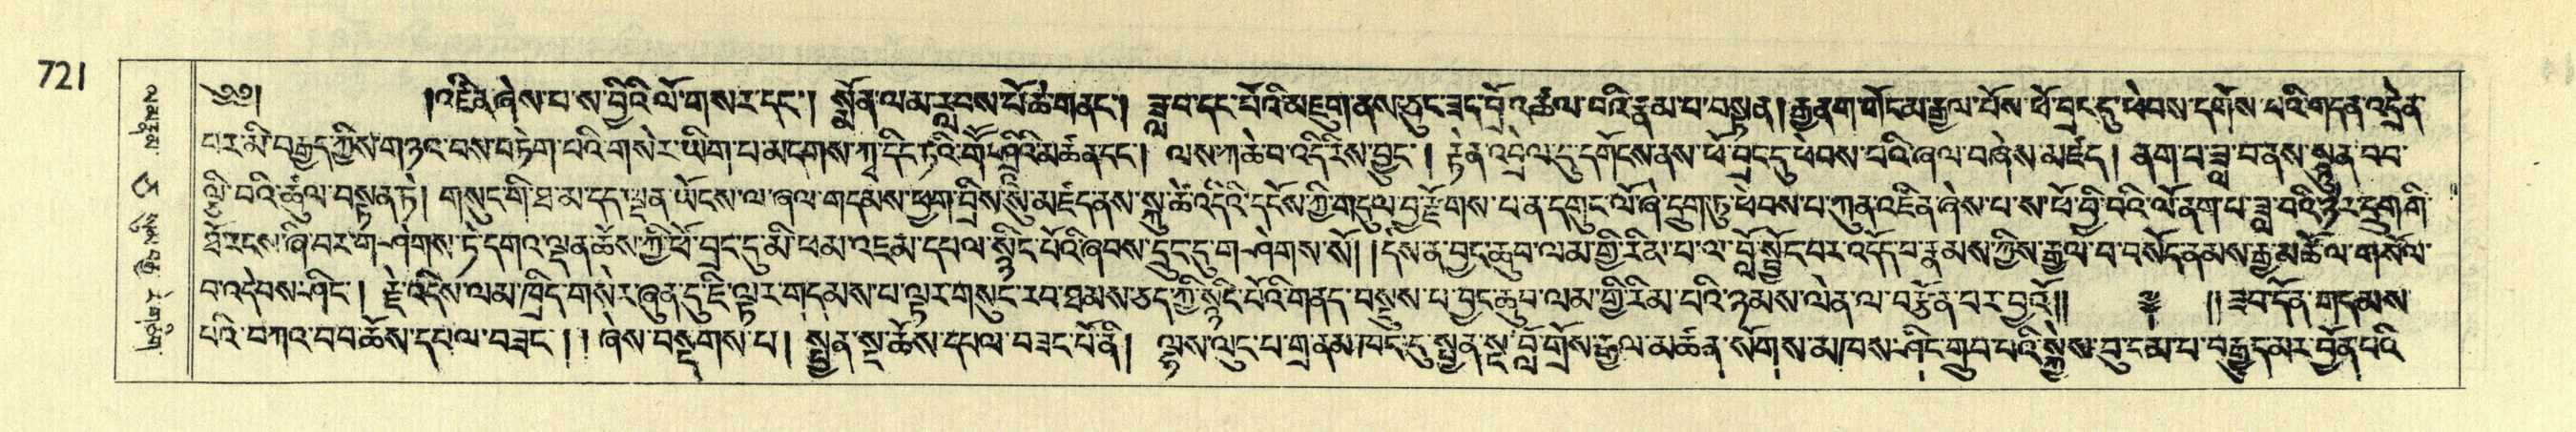༄༅། །འཛིན་ཞེས་པ་ས་བྱིའི་ལོ་གསར་དང་། སྨོན་ལམ་རླབས་པོ་ཆེ་གནང་། ཟླ་བ་དང་པོའི་མཇུག་ནས་ཅུང་ཟད་བྲོ་འཚལ་བའི་རྣམ་པ་བསྟན། རྒྱ་ནག་གོང་མ་རྒྱལ་པོས་ཕོ་བྲང་དུ་ཕེབས་དགོས་པའི་གདན་འདྲེན་
པར་མི་བརྒྱད་ཀྱིས་གཉའ་བས་བཏེག་པའི་གསེར་ཡིག་པ་མདགས་ཀྭ་དིང་ཏའི་གཽ་ཤྲཱིའི་མཚན་དང་། ལས་ཀ་ཆེ་བ་འདི་རིས་བྱུང་། རྟེན་འབྲེལ་དུ་དགོངས་ནས་ཕོ་བྲང་དུ་ཕེབས་པའི་ཞལ་བཞེས་མཛད། ནག་པ་ཟླ་བ་ནས་སྙུན་བབ་
ལྕི་བའི་ཚུལ་བསྟན་ཏེ། གསུང་གི་ཐ་མ་དང་ལྡན་ཡོངས་ལ་ཞལ་གདམས་ཕྱག་བྲིས་སུ་མཛད་ནས་སྐུ་ཚེ་འདིའི་དངོས་ཀྱི་གདུལ་བྱ་རྫོགས་པ་ན་དགུང་ལོ་ཞེ་དྲུག་ཏུ་ཕེབས་པ་ཀུན་འཛིན་ཞེས་པ་ས་ཕོ་བྱི་བའི་ལོ་ནག་པ་ཟླ་བའི་ཉེར་དྲུག་གི་
ཐོ་རངས་ཞི་བར་གཤེགས་ཏེ་དགའ་ལྡན་ཆོས་ཀྱི་ཕོ་བྲང་དུ་མི་ཕམ་འཇམ་དཔལ་སྙིང་པོའི་ཞབས་དྲུང་དུ་གཤེགས་སོ། །དེས་ན་བྱང་ཆུབ་ལམ་གྱི་རིམ་པ་ལ་བློ་སྦྱོང་བར་འདོད་པ་རྣམས་ཀྱིས་རྒྱལ་བ་བསོད་ནམས་རྒྱ་མཚོ་ལ་གསོལ་
བ་འདེབས་ཤིང་། རྗེ་འདིས་ལམ་ཁྲིད་གསེར་ཞུན་དུ་ཇི་ལྟར་གདམས་པ་ལྟར་གསུང་རབ་ཐམས་ཅད་ཀྱི་སྙིང་པོའི་གནད་བསྡུས་པ་བྱང་ཆུབ་ལམ་གྱི་རིམ་པའི་ཉམས་ལེན་ལ་བརྩོན་པར་བྱའོ། ། ༈ །།ཟབ་དོན་གདམས་
པའི་བཀའ་བབ་ཆོས་དཔལ་བཟང་། །ཞེས་བསྔགས་པ། སྤྱན་སྔ་ཆོས་དཔལ་བཟང་པོ་ནི། ལྷས་ལུང་པ་གྲ་ནམ་ཁང་དུ་སྤྱན་སྔ་བློ་གྲོས་རྒྱལ་མཚན་སོགས་མཁས་ཤིང་གྲུབ་པའི་སྐྱེས་བུ་དམ་པ་བརྒྱུད་མར་བྱོན་པའི་